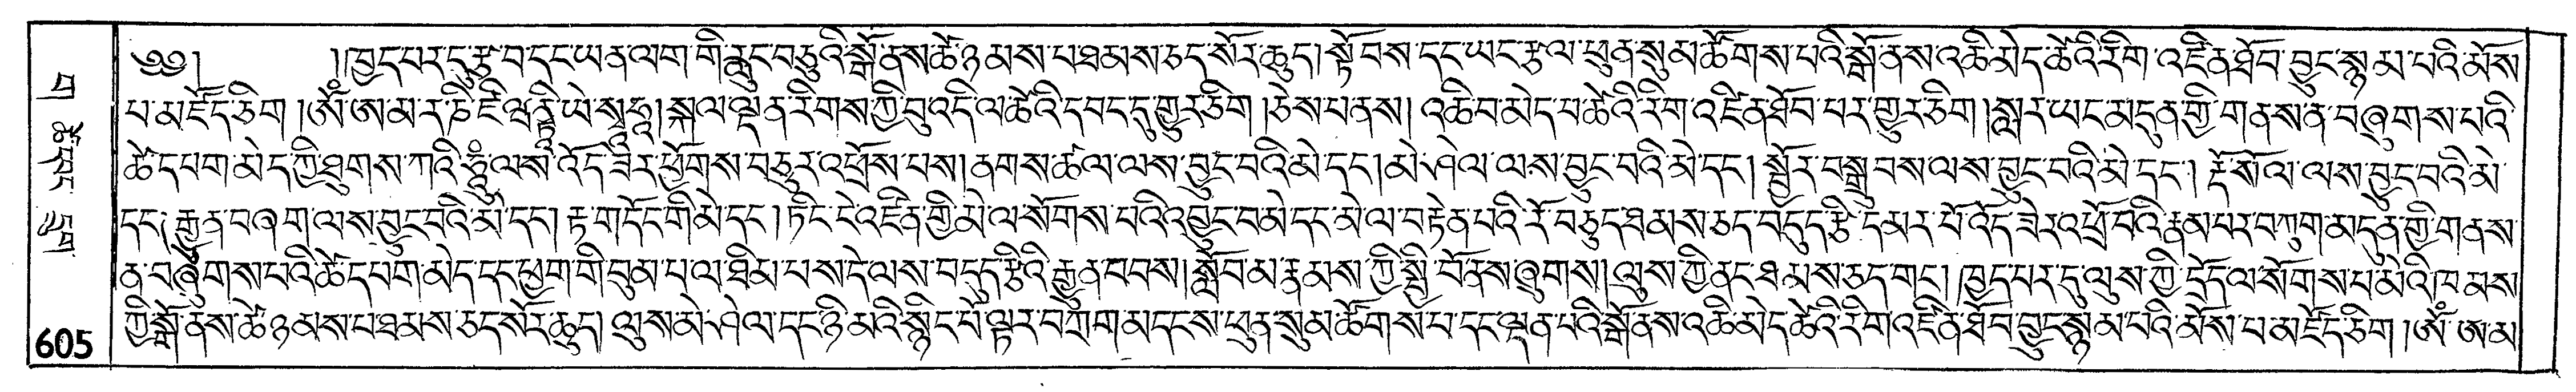༄༅། །ཁྱད་པར་དུ་རྩ་བ་དང་ཡན་ལག་གི་རླུང་བཅུའི་སྒོ་ནས་ཚེ་ཉམས་པ་ཐམས་ཅད་སོར་ཆུད། སྟོབས་དང་ཡང་རྩལ་ཕུན་སུམ་ཚོགས་པའི་སྒོ་ནས་འཆི་མེད་ཚེའི་རིག་འཛིན་ཐོབ་བྱུང་སྙམ་པའི་མོས་
པ་མཛོད་ཅིག །ཨོཾ་ཨ་མ་ར་ཎི་ཛི་ཝ་ནྟཱི་ཡེ་སྭཱ་ཧཱ། སྐལ་ལྡན་རིགས་ཀྱི་བུ་འདི་ལ་ཚེའི་དབང་དུ་གྱུར་ཅིག །ཅེས་པ་ནས། འཆི་བ་མེད་པ་ཚེའི་རིག་འཛིན་ཐོབ་པར་གྱུར་ཅིག །སླར་ཡང་མདུན་གྱི་གནས་ན་བཞུགས་པའི་
ཚེ་དཔག་མེད་ཀྱི་ཐུགས་ཀའི་ཧཱུཾ་ལས་འོད་ཟེར་ཕྱོགས་བཅུར་འཕྲོས་པས། ནགས་ཚལ་ལས་བྱུང་བའི་མེ་དང་། མེ་ཤེལ་ལས་བྱུང་བའི་མེ་དང་། སྦྱོར་བསྒྲུབས་ལས་བྱུང་བའི་མེ་དང་། རྡོ་སོལ་ལས་བྱུང་བའི་མེ་
དང༑ རྒྱུན་བཞག་ལས་བྱུང་བའི་མེ་དང་། རྟ་གདོང་གི་མེ་དང་། ཏིང་ངེ་འཛིན་གྱི་མེ་ལ་སོགས་པའི་འབྱུང་བ་མེ་དང་མེ་ལ་བརྟེན་པའི་རོ་བཅུད་ཐམས་ཅད་བདུད་རྩི་དམར་པོ་འོད་ཟེར་འཕྲོ་བའི་རྣམ་པར་བཀུག་མདུན་གྱི་གནས་
ན་བཞུགས་པའི་ཚེ་དཔག་མེད་དང་ཕྱག་གི་བུམ་པ་ལ་ཐིམ་པས་དེ་ལས་བདུད་རྩིའི་རྒྱུན་བབས། སློབ་མ་རྣམས་ཀྱི་སྤྱི་བོ་ནས་ཞུགས། ལུས་ཀྱི་ནང་ཐམས་ཅད་གང་། ཁྱད་པར་དུ་ལུས་ཀྱི་དྲོད་ལ་སོགས་པ་མེའི་ཁམས་
ཀྱི་སྒོ་ནས་ཚེ་ཉམས་པ་ཐམས་ཅད་སོར་ཆུད། ལུས་མེ་ཤེལ་དང་ཉི་མའི་སྙིང་པོ་ལྟར་བཀྲག་མདངས་ཕུན་སུམ་ཚོགས་པ་དང་ལྡན་པའི་སྒོ་ནས་འཆི་མེད་ཚེའི་རིག་འཛིན་ཐོབ་བྱུང་སྙམ་པའི་མོས་པ་མཛོད་ཅིག །ཨོཾ་ཨ་མ་